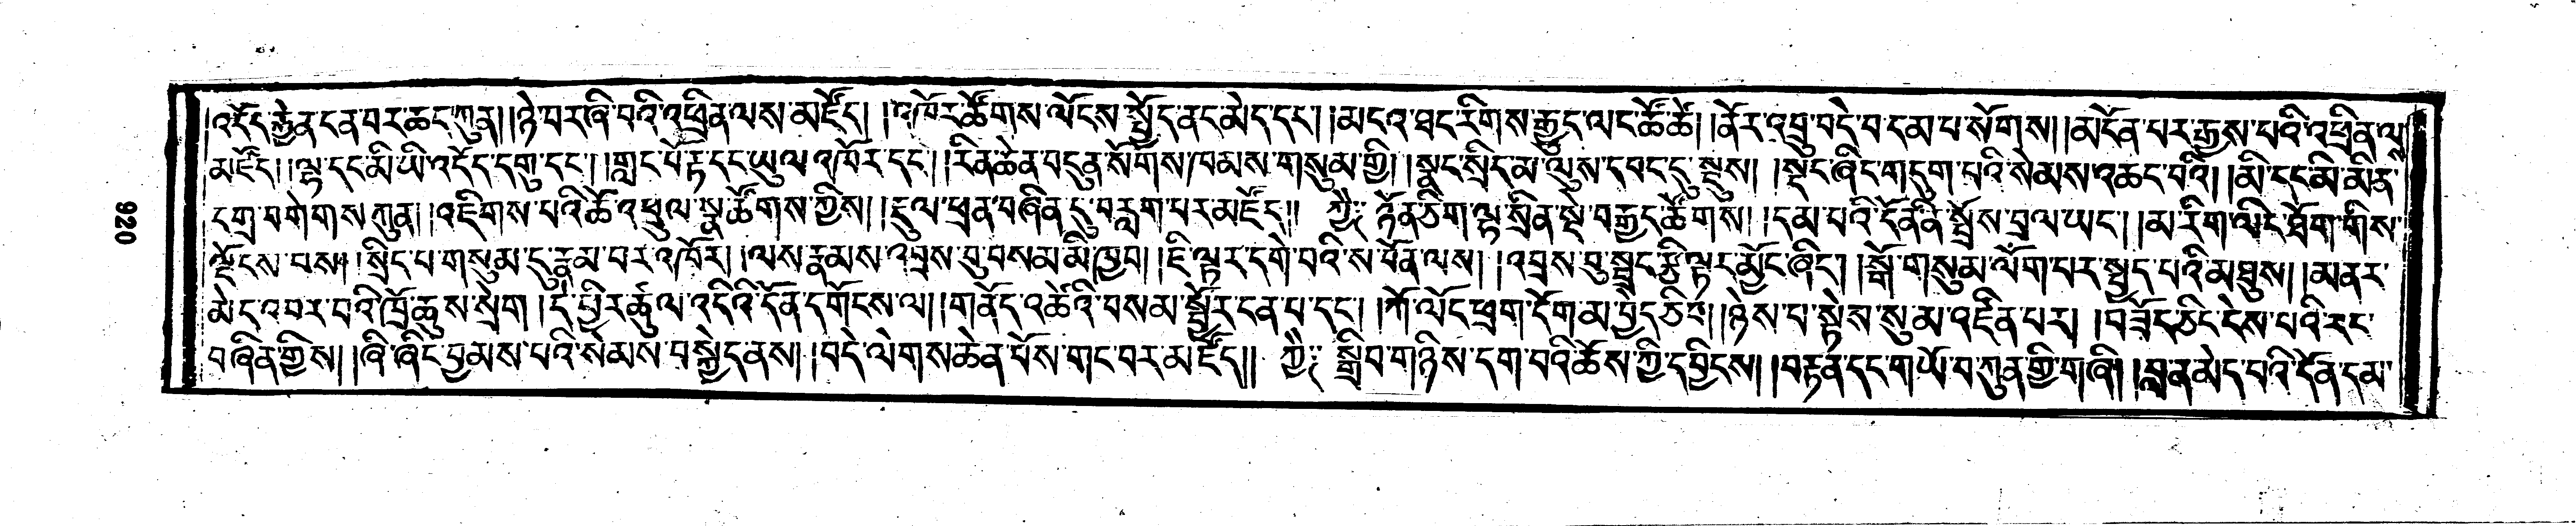འདོད་རྐྱེན་ངན་བར་ཆད་ཀུན། །ཉེ་བར་ཞི་བའི་འཕྲིན་ལས་མཛོད། །འཁོར་ཚོགས་ལོངས་སྤྱོད་ནད་མེད་དང་། །མངའ་ཐང་རིགས་རྒྱུད་ལང་ཚོ་ཚེ། །ནོར་འབྲུ་བདེ་བ་དམ་པ་སོགས། །མངོན་པར་རྒྱས་པའི་འཕྲིན་ལས་
མཛོད། །ལྷ་དང་མི་ཡི་འདོད་དགུ་དང་། །གླང་པོ་རྟ་དང་ཡུལ་འཁོར་དང་། །རིན་ཆེན་བདུན་སོགས་ཁམས་གསུམ་གྱི། །སྣང་སྲིད་མ་ལུས་དབང་དུ་སྡུས། །སྡང་ཞིང་གདུག་པའི་སེམས་འཆང་བའི། །མི་དང་མི་མིན་
དགྲ་བགེགས་ཀུན། །འཇིགས་པའི་ཆོ་འཕྲུལ་སྣ་ཚོགས་ཀྱིས། །རྡུལ་ཕྲན་བཞིན་དུ་བརླག་པར་མཛོད།། ཀྱཻ༑ ཉོན་ཅིག་ལྷ་སྲིན་སྡེ་བརྒྱད་ཚོགས། །དམ་པའི་དོན་ནི་སྤྲོས་བྲལ་ཡང་། །མ་རིག་ལིང་ཐོག་གིས་
ལྡོངས་པས། །སྲིད་པ་གསུམ་དུ་རྣམ་པར་འཁོར། །ལས་རྣམས་འབྲས་བུ་བསམ་མི་ཁྱབ། །ཇི་ལྟར་དགེ་བའི་ས་བོན་ལས། །འབྲས་བུ་སྦྲང་རྩི་ལྟར་མྱོང་ཞིང་། །སྒོ་གསུམ་ལོག་པར་སྤྱད་པའི་མཐུས། །མནར་
མེད་འབར་བའི་ཁྲོ་ཆུས་སྲེག །དེ་ཕྱིར་ཚུལ་འདིའི་དོན་དགོངས་ལ། །གནོད་འཚེའི་བསམ་སྦྱོར་ངན་པ་དང་། །ཀོ་ལོང་ཕྲག་དོག་མ་བྱེད་ཅིག །ཉེས་པ་སྟེས་སུ་མ་འཛིན་པར། །བཟོད་ཅིང་ངེས་པའི་རང་
བཞིན་གྱིས། །ཞི་ཞིང་བྱམས་པའི་སེམས་བསྐྱེད་ནས། །བདེ་ལེགས་ཆེན་པོས་གང་བར་མཛོད།། ཀྱཻ༑ སྒྲིབ་གཉིས་དག་པའི་ཆོས་ཀྱི་དབྱིངས། །བརྟན་དང་གཡོ་བ་ཀུན་གྱི་གཞི། །བླ་ན་མེད་པའི་དོན་དམ་